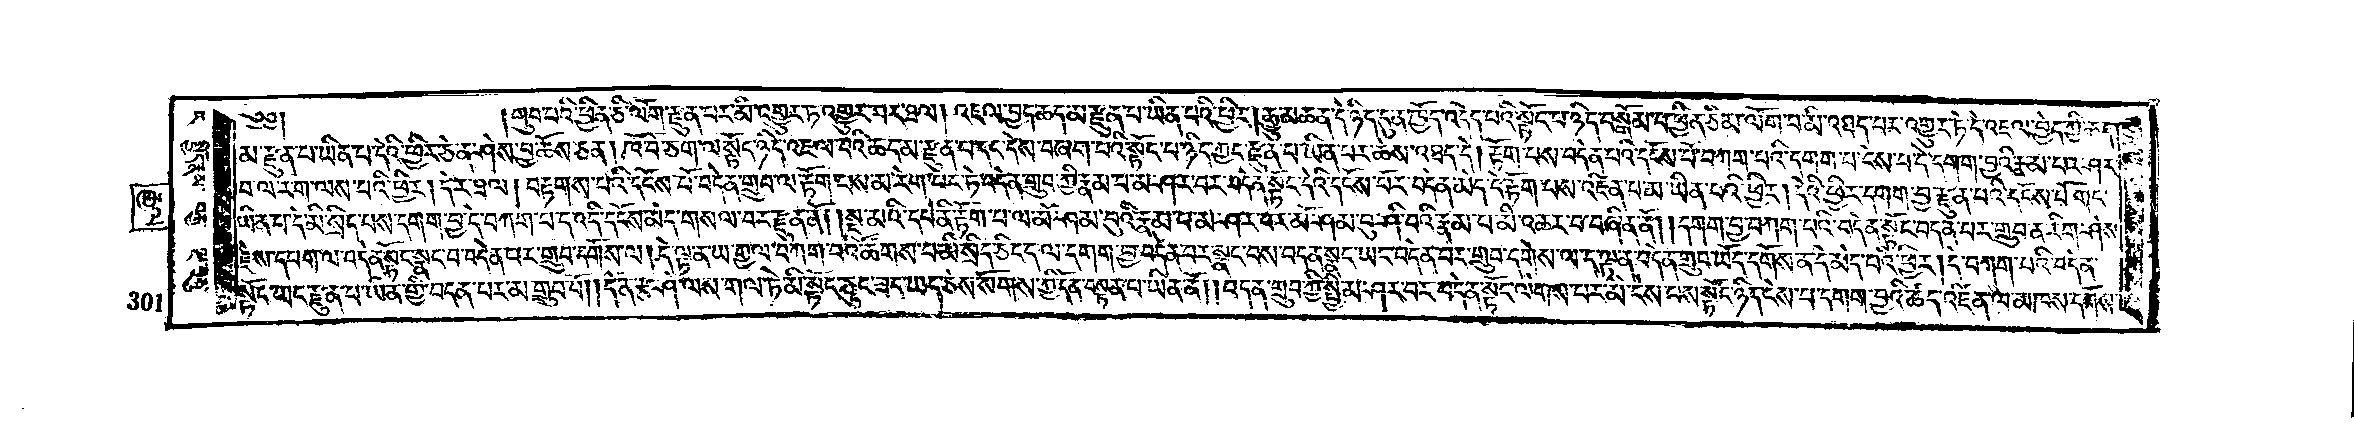༄༅། །གྲུབ་པའི་ཕྱིན་ཅི་ལོག་རྫུན་པར་མི་འགྱུར་ཏེ་འགྱུར་བར་ཐལ། འཇལ་བྱད་ཚད་མ་རྫུན་པ་ཡིན་པའི་ཕྱིར། རྒྱུ་མཚན་དེ་ཉིད་དུ་ན་ཁྱོད་འདོད་པའི་སྟོང་པ་ཉིད་བསྒོམ་པ་ཕྱིན་ཅི་མ་ལོག་པ་མི་འཐད་པར་འགྱུར་ཏེ་དེ་འཇལ་བྱེད་ཀྱི་ཆད་
མ་རྫུན་པ་ཡིན་པ་དེའི་ཕྱིར་ཅེ་ན་ཤེས་བྱ་ཆོས་ཅན། ཁོ་བོ་ཆག་ལ་སྟོང་ཉིད་འཇལ་བའི་ཚད་མ་རྫུན་པ་དང་དེས་བཞག་པའི་སྟོང་པ་ཉིད་ཀྱང་རྫུན་པ་ཡིན་པར་ཆོས་འཐད་དེ། རྟོག་པས་བདེན་པའི་དངོས་པོ་བཀག་པའི་དགག་པ་ངེས་པ་དེ་དགག་བྱའི་རྣམ་པར་ཤར་
བ་ལ་རག་ལས་པའི་ཕྱིར། དེར་ཐལ། བརྟགས་པའི་དངོས་པོ་བདེན་གྲུབ་ལ་རྟོག་པས་མ་རིག་པར་ཏེ་བདེན་གྲུབ་ཀྱི་རྣམ་པ་མ་ཤར་བར་བདེན་སྟོང་དེའི་དངོས་པོར་བདེན་མེད་དེ་རྟོག་པས་འཛིན་པ་མ་ཡིན་པའི་ཕྱིར། དེའི་ཕྱིར་དགག་བྱ་རྫུན་པའི་དངོས་པོ་གང་
ཡིན་པ་དེ་མི་སྲིད་པས་དགག་བྱ་དེ་བཀག་པ་དེ་འདི་དངོས་མེད་གསལ་བར་རྫུན་ནོ། །སྔ་མའི་དཔེ་ནི་རྟོག་པ་ལ་མོ་ཤམ་བུའི་རྣམ་པ་མ་ཤར་བར་མོ་ཤམ་བུ་ཤི་བའི་རྣམ་པ་མི་འཆར་བ་བཞིན་ནོ། །དགག་བྱ་བཀག་པའི་བདེན་སྟོང་བདེན་པར་གྲུབ་ན་རིག་ཤེས་
རྗེས་དཔག་ལ་བདེན་སྟོང་སྣང་བ་བདེན་པར་གྲུབ་དགོས་ལ། དེ་ལྟ་ན་ཡ་གྱ་ལ་བཀག་པའི་ཚོགས་པ་མི་སྲིད་ཅིང་དེ་ལ་དགག་བྱ་བདེན་པར་སྣང་བས་བདེན་སྣང་ཡང་བདེན་པར་གྲུབ་དགོས་ལ་དེ་ལྟ་ན་བདེན་གྲུབ་ཡོད་དགོས་ན་དེ་མེད་པའི་ཕྱིར། དེ་བཀག་པའི་བདེན་
སྟོང་ཡང་རྫུན་པ་ཡིན་གྱི་བདེན་པར་མ་གྲུབ་པོ། །དོན་རྩ་ཤེ་ལས་གལ་ཏེ་མི་སྟོང་ཅུང་ཟད་ཡང་ཅེས་སོགས་ཀྱི་དོན་བསྟན་པ་ཡིན་ནོ། །བདེན་གྲུབ་ཀྱི་སྤྱི་མ་ཤར་བར་བདེན་སྟོང་ལེགས་པར་མི་ངེས་པས་སྟོང་ཉིད་ངེས་པ་དགག་བྱའི་ཚད་འཛིན་ལ་མཁས་དགོས་